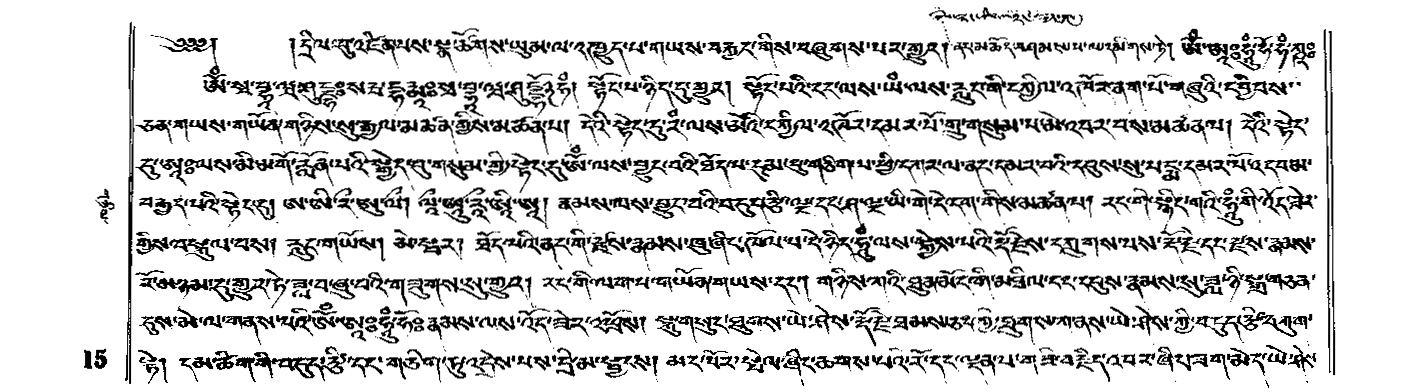༄༅། །དྲིལ་བུ་འཛིན་པས་སྣ་ཚོགས་ཡུམ་ལ་འཁྱུད་པ་གཡས་བརྐྱང་གིས་བཞུགས་པར་གྱུར། ཅེས་སྐད་ཅིགས་གྲོང་སྦྱང་ཐབ་དུ་ནང་མཆོད་བཤམས་པ་ལ་དམིགས་ཏེ། ཨོཾ་ཨཱཿ ཧཱུཾ་ཧོ་ཧཾ་ཀྵཿ
ཨོཾ་སྭ་བྷཱ་ཝ་ཤུདྡྷཿ སརྦ་དྷརྨཱཿ སྭ་བྷཱ་ཝ་ཤུདྡྷོཉཧཾ། སྟོང་པ་ཉིད་དུ་གྱུར། སྟོང་པའི་ངང་ལས་ཡཾ་ལས་རླུང་གི་དཀྱིལ་འཁོར་ནག་པོ་གཞུའི་དབྱིབས་
ཅན་གཡས་གཡོན་གཉིས་སུ་རྒྱལ་མཚན་གྱིས་མཚན་པ། དེའི་སྟེང་དུ་རཾ་ལས་མོའི་དཀྱིལ་འཁོར་དམར་པོ་གྲུ་གསུམ་པ་མེ་འབར་བས་མཚན་ལ། དེའི་སྟེང་
དུ་ཨཱཿ ལས་མི་མགོ་རློན་པའི་སྐྱེད་བུ་གསུམ་གྱི་སྟེང་དུ་ཨོཾ་ལས་བྱུང་བའི་ཐོད་པ་དུམ་བུ་གཅིག་པ་ཕྱི་དཀར་ལ་ནད་དམར་བའི་དབུས་སུ་པདམ་དམར་པོ་འདབ་མ་
བརྒྱད་པའི་སྟེང་དུ། ཨ་ཨི་རྀ་ཨུ་ལྀ། ལཱྀ་ཨཱུ་རཱྀ་ཨཱི་ཨཱ། རྣམས་ལས་བྱུང་བའི་བདུད་རྩི་ལྔ་དང་ཤ་ལྔ་ཡི་གེ་དེ་དག་གིས་མཚན་ལ། རང་གི་སྙིང་གའི་ཧཱུཾ་གི་འོད་ཟེར་
གྱིས་བསྐུལ་བས། རླུང་གཡོས། མེ་སྦར། ཐོད་པའི་ནང་གི་རྫས་རྣམས་ཞུ་ཞིང་ཁོལ་པ་དེ་ཉིད་ཧཱུཾ་ལས་སྐྱེས་པའི་རྡོ་རྗེས་དཀྲུགས་པས་རྡོ་རྗེ་དང་རྫས་རྣམས་
རོ་མཉམ་དུ་གྱུར་ཏེ་ཟླ་བ་ཞུ་བའི་གཟུགས་སུ་གྱུར། རང་གི་ལག་པ་གཡོན་གཡས་དང་། གཉིས་ཀའི་ཐུན་མོང་གི་མཐིལ་དང་དབུས་རྣམས་སུ་ཟླ་ཉི་སྒྲ་གཅན་
དུས་མེ་ལ་གནས་པའི་ཨོཾ་ཨཱཿ ཧཱུཾ་ཧོཿ རྣམས་ལས་འོད་ཟེར་འཕྲོས། སྐུ་གསུང་ཐུགས་ཡེ་ཤེས་རྡོ་རྗེ་ཐམས་ཅད་ཀྱི་ཐུགས་ཀ་ནས་ཡེ་ཤེས་ཀྱི་བདུད་རྩི་བཀུག་
སྟེ། དམ་ཚིག་གི་བདུད་རྩི་དང་གཅིག་ཏུ་འདྲེས་པས་དྲི་མ་སྦྱངས། མང་པོར་སྤེལ་ཞིང་ཆགས་པའི་རོ་དང་ལྡན་པ་གཟི་བརྗིད་འབར་ཞིང་ཟག་མེད་ཡེ་ཤེས་